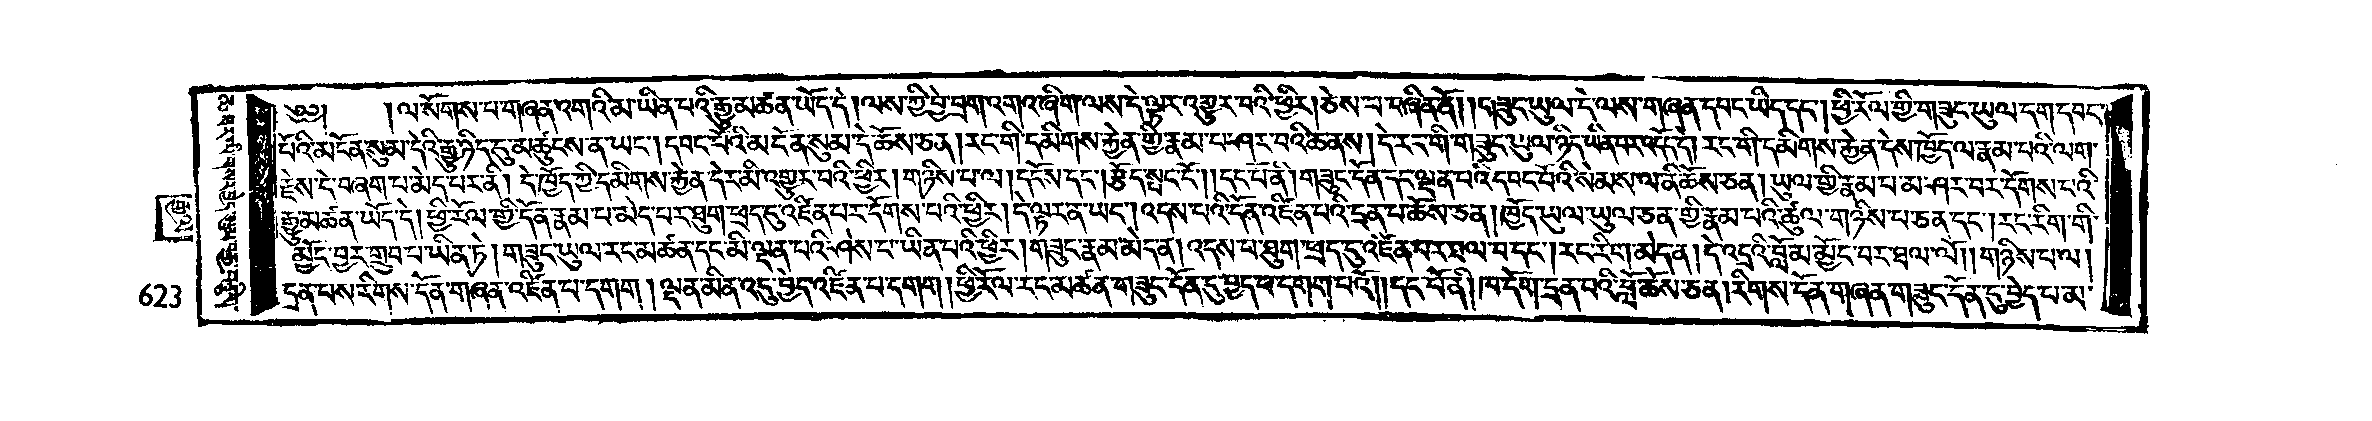༄༅། །ལ་སོགས་པ་གཞན་འགའི་མ་ཡིན་པའི་རྒྱུ་མཚན་ཡོད་དེ། ལས་ཀྱི་བྱེ་བྲག་འགའ་ཞིག་ལས་དེ་ལྟར་འགྱུར་བའི་ཕྱིར། ཅེས་པ་བཞིན་ནོ། །གཟུང་ཡུལ་དེ་ལས་གཞན་དབང་ཡིད་དང་། ཕྱི་རོལ་གྱི་གཟུང་ཡུལ་དག་དབང་
པོའི་མངོན་སུམ་དེའི་རྒྱུ་ཉིད་དུ་མཚུངས་ན་ཡང་། དབང་པོའི་མངོན་སུམ་དེ་ཆོས་ཅན། རང་གི་དམིགས་རྐྱེན་གྱི་རྣམ་པ་ཤར་བའི་ཆ་ནས། དེ་རང་གི་གཟུང་ཡུལ་ཉིད་ཡིན་པར་འདོད་དེ། རང་གི་དམིགས་རྐྱེན་དེས་ཁྱོད་ལ་རྣམ་པའི་ལག་
རྗེས་དེ་བཞག་པ་མེད་པར་ནི། དེ་ཁྱོད་ཀྱི་དམིགས་རྐྱེན་དེར་མི་འགྱུར་བའི་ཕྱིར། གཉིས་པ་ལ། དངོས་དང་། རྩོད་སྤང་ངོ། །དང་པོ་ནི། གཟུང་དོན་དང་ལྡན་པའི་དབང་པོའི་སེམས་ལ་ནི་ཆོས་ཅན། ཡུལ་གྱི་རྣམ་པ་མ་ཤར་བར་དོགས་པའི་
རྒྱུ་མཚན་ཡོད་དེ། ཕྱི་རོལ་གྱི་དོན་རྣམ་པ་མེད་པར་ཐུག་ཕྲད་དུ་འཛིན་པར་དོགས་པའི་ཕྱིར། དེ་ལྟར་ན་ཡང་། འདས་པའི་དོན་འཛིན་པའི་དྲན་པ་ཆོས་ཅན། ཁྱོད་ཡུལ་ཡུལ་ཅན་གྱི་རྣམ་པའི་ཚུལ་གཉིས་པ་ཅན་དང་། རང་རིག་གི་
མྱོང་བྱར་གྲུབ་པ་ཡིན་ཏེ། གཟུང་ཡུལ་རང་མཚན་དང་མི་ལྡན་པའི་ཤེས་པ་ཡིན་པའི་ཕྱིར། གཟུང་རྣམ་མེད་ན། འདས་པ་ཐུག་ཕྲད་དུ་འཛིན་པར་ཐལ་བ་དང་། རང་རིག་མེད་ན། དེ་འདྲའི་བློ་མ་མྱོང་བར་ཐལ་ལོ། །གཉིས་པ་ལ།
དྲན་པས་རིགས་དོན་གཞན་འཛིན་པ་དགག །ལྡན་མིན་འདུ་བྱེད་འཛིན་པ་དགག །ཕྱི་རོལ་རང་མཚན་གཟུང་དོན་དུ་བྱེད་པ་དགག་པའོ། །དང་པོ་ནི། ཁ་དོག་དྲན་པའི་བློ་ཆོས་ཅན། རིགས་དོན་གཞན་གཟུང་དོན་དུ་བྱེད་པ་མ་